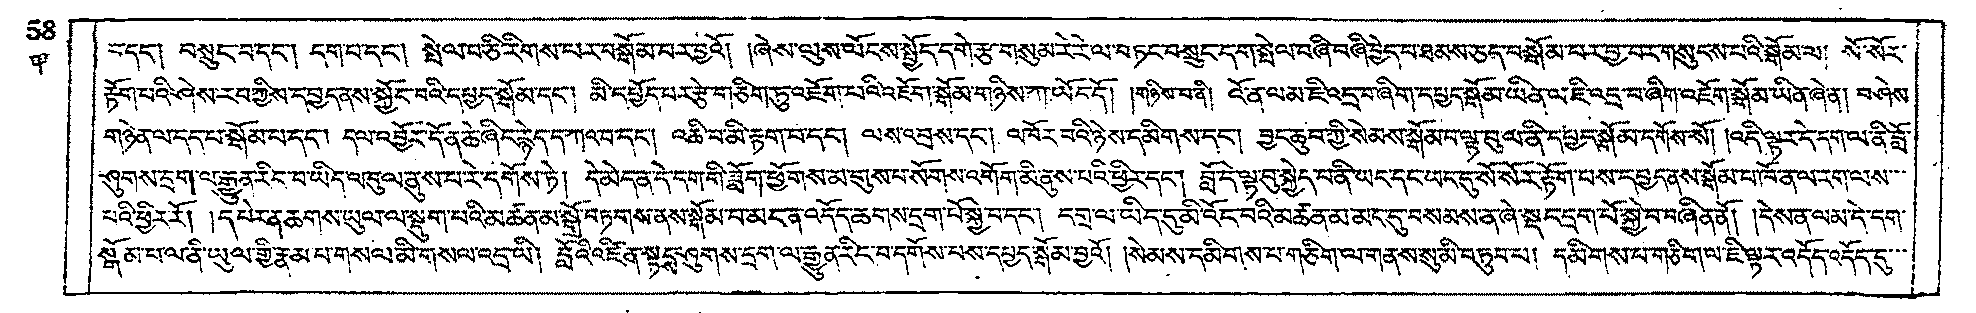བ་དང་། བསྲུང་བ་དང་། དག་པ་དང་། སྤེལ་བ་ཅི་རིགས་པར་བསྒོམ་པར་བྱའོ། །ཞེས་ལུས་ལོངས་སྤྱོད་དགེ་རྩ་གསུམ་རེ་རེ་ལ་བཏང་བསྲུང་དག་སྤེལ་བཞི་བཞི་བྱེད་པ་ཐམས་ཅད་བསྒོམ་པར་བྱ་བར་གསུངས་པའི་སྒོམ་ལ། སོ་སོར་
རྟོག་པའི་ཤེས་རབ་ཀྱིས་དཔྱད་ནས་སྐྱོང་བའི་དཔྱད་སྒོམ་དང་། མི་དཔྱོད་པར་རྩེ་གཅིག་ཏུ་འཇོག་པའི་འཇོག་སྒོམ་གཉིས་ཀ་ཡོད་དོ། ། གཉིས་པ་ནི། འོ་ན་ལམ་ཇི་འདྲ་བ་ཞིག་དཔྱད་སྒོམ་ཡིན་ལ་ཇི་འདྲ་བ་ཞིག་འཇོག་སྒོམ་ཡིན་ཞེ་ན། བཤེས་
གཉེན་ལ་དད་པ་སྒོམ་པ་དང་། དལ་འབྱོར་དོན་ཆེ་ཞིང་རྙེད་དཀའ་བ་དང་། འཆི་བ་མི་རྟག་པ་དང་། ལས་འབྲས་དང་། འཁོར་བའི་ཉེས་དམིགས་དང་། བྱང་ཆུབ་ཀྱི་སེམས་སྒོམ་པ་ལྟ་བུ་ལ་ནི་དཔྱད་སྒོམ་དགོས་སོ། །འདི་ལྟར་དེ་དག་ལ་ནི་བློ་
ཤུགས་དྲག་ལ་རྒྱུན་རིང་བ་ཡིད་འཁུལ་ནུས་པ་རེ་དགོས་ཏེ། དེ་མེད་ན་དེ་དག་གི་ཟློག་ཕྱོགས་མ་གུས་པ་སོགས་འགོག་མི་ནུས་པའི་ཕྱིར་དང་། བློ་དེ་ལྟ་བུ་སྐྱེད་པ་ནི་ཡང་དང་ཡང་དུ་སོ་སོར་རྟོག་པས་དཔྱད་ནས་སྒོམ་པ་ཁོ་ན་ལ་རག་ལས་
པའི་ཕྱིར་རོ། །དཔེར་ན་ཆགས་ཡུལ་ལ་སྡུག་པའི་མཚན་མ་སྒྲོ་བཏགས་ནས་སྒོམ་པ་མང་ན་འདོད་ཆགས་དྲག་པོ་སྐྱེ་བ་དང་། དགྲ་ལ་ཡིད་དུ་མི་འོང་བའི་མཚན་མ་མང་དུ་བསམས་ན་ཞེ་སྡང་དྲག་པོ་སྐྱེ་བ་བཞིན་ནོ། །དེས་ན་ལམ་དེ་དག་
སྒོམ་པ་ལ་ནི་ཡུལ་གྱི་རྣམ་པ་གསལ་མི་གསལ་འདྲ་ཡི། བློའི་འཛིན་སྟངས་ཤུགས་དྲག་ལ་རྒྱུན་རིང་བ་དགོས་པས་དཔྱད་སྒོམ་བྱའོ། །སེམས་དམིགས་པ་གཅིག་ལ་གནས་སུ་མི་བཏུབ་པ། དམིགས་པ་གཅིག་ལ་ཇི་ལྟར་འདོད་འདོད་དུ་